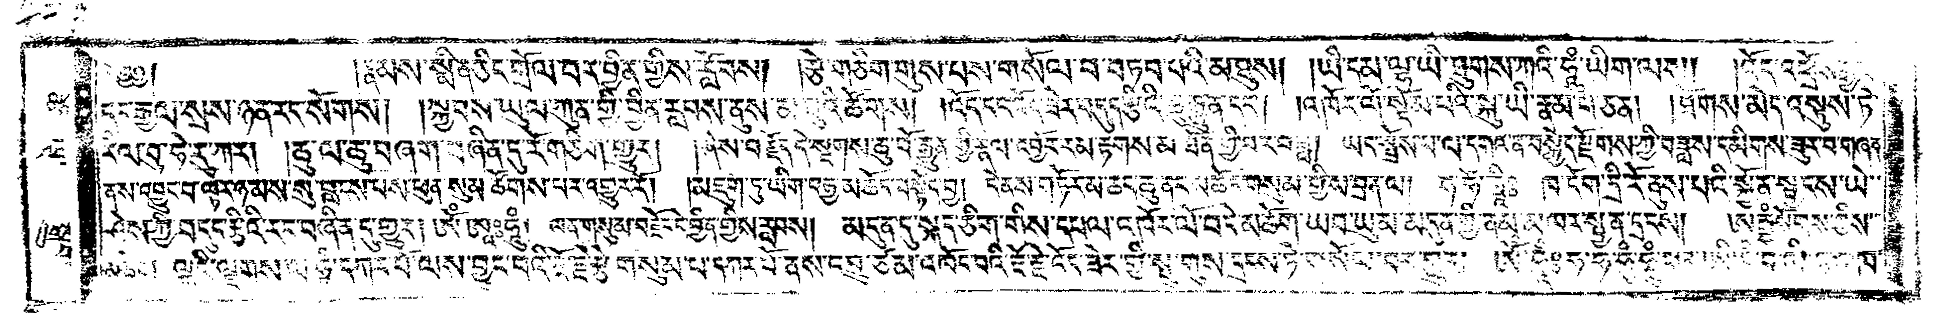༄༅། །རྣམས་སྨིན་ཅིང་གྲོལ་བར་བྱིན་གྱིས་རློབས། །རྩེ་གཅིག་གུས་པས་གསོལ་བ་བཏབ་པའི་མཐུས། །ཡི་དམ་ལྷ་ཡི་ཐུགས་ཀའི་ཧཱུཾ་ཡིག་ལས། །འོད་འཕྲོས་རྒྱལ་
དང་རྒྱལ་སྲས་ཉན་རང་སོགས། །སྐྱབས་ཡུལ་ཀུན་གྱི་བྱིན་རླབས་ནུས་མཐུའི་ཚོགས། །འོད་དང་འོད་ཟེར་བདུད་རྩིའི་ཆུ་རྒྱུན་དང་། །འཁོར་ལོ་སྡོམ་པའི་སྐུ་ཡི་རྣམ་པ་ཅན། །ཐོགས་མེད་བསྟུས་ཏེ་
རིལ་བུ་ཧེ་རུ་ཀར། །ཆུ་ལ་ཆུ་བཞག་བཞིན་དུ་རོ་གཅིག་གྱུར། །ཞེས་བརྗོད་དེ་སྔགས་ཆུ་བོ་རྒྱུན་གྱི་རྣལ་འབྱོར་རམ་རྟགས་མ་ཐོན་གྱི་བར་བཟླ། ཡང་སྤྲོས་པ་ལ་དགའ་ན་བསྐྱེད་རྫོགས་ཀྱི་བཟླས་དམིགས་ཟུར་བ་གཞན་
ནས་འབྱུང་བ་ལྟར་ཉམས་སུ་བླངས་པས་ཕུན་སུམ་ཚོགས་པར་འགྱུར་རོ། །མཇུག་ཏུ་ཡིག་བརྒྱ་མཆོད་བསྟོད་བྱ། དེ་ནས་གཏོར་མ་ཆང་ཆུ་ནང་མཆོད་གསུམ་གྱིས་བྲན་ལ། ཧ་ཧོ་ཧྲཱིཿ ཁ་དོག་དྲི་རོ་ནུས་པའི་སྐྱོན་སྦྱངས་ཡ་
ཤེས་ཀྱི་བདུད་རྩིའི་རང་བཞིན་དུ་གྱུར། ཨོཾ་ཨཱཿ ཧཱུཾ། ལན་གསུམ་བརྗོད་དེ་བྱིན་གྱིས་རླབས།  མདུན་དུ་སྐད་ཅིག་གིས་དཔལ་འཁོར་ལོ་བདེ་མཆོག་ཡབ་ཡུམ་མདུན་གྱི་ནམ་མཁར་སྤྱན་དྲངས། ཨ་རྒྷཾ་སོགས་ཀྱིས་
མཆོད། ལྷའི་ལྗགས་ལ་ཧཱུཾ་དཀར་པོ་ལས་བྱུང་བའི་རྡོ་རྗེ་རྩེ་གསུམ་པ་དཀར་པོ་ནས་འབྲུ་ཙམ་འཁོད་པའི་རྡོ་རྗེ་འོད་ཟེར་གྱི་སྤུ་གུས་དྲངས་ཏེ་གསོལ་བར་གྱུར། ཨོཾ་ཧྲཱིཿ ཧ་ཧ་ཧུཾ་ཧཱུཾ་ཕཊ་ཨི་དཾ་བ་ལི་ཏ་ཁ་ཁ་